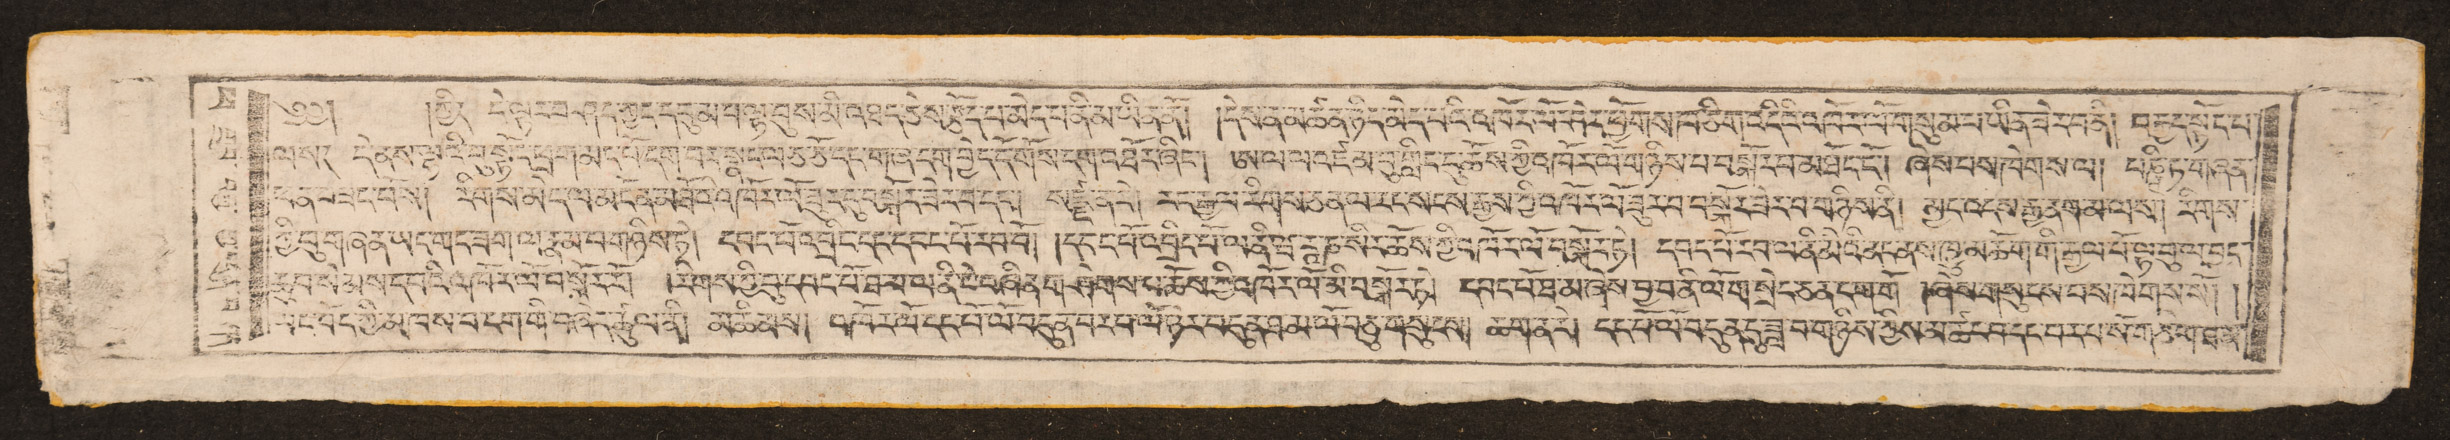༄༅། །ཀྱི༑ དེ་ལྟར་བཤད་ཀྱང་དབུ་མ་བལྟ་བུས་མི་འཐད་ཅེས་རྩོད་པ་མེད་པ་ནི་མ་ཡིན་ནོ། །དེས་ན་མཚན་ཉིད་མེད་པའི་འཁོར་ལོ་ཤེར་ཕྱོགས་ཁ་ཅིག་འདིའི་འཁོར་ལོ་གསུམ་པ་ཡིན་ཟེར་བ་ནི། བརྒྱད་སྟོང་པ་
ལས། དེ་ནས་ལྷའི་བུ་སྟོང་ཕྲག་མང་པོ་དག་བར་སྣང་ལ་ཅ་ཅོ་དང་གཞ་དག་བྱེད་དོ་གོས་དག་འཐོར་ཞིང་། ཨ་ལ་ལ་འཛམ་བུ་གླིང་དུ་ཆོས་ཀྱི་འཁོར་ལོ་གཉིས་པ་བསྐོར་བ་མཐོང་ངོ། ཞེས་པས་ཁེགས་ལ། པཎྜི་ཏ་གཞན་
ཕན་བཟང་པོས། རིགས་མེད་ལ་མངོན་མཐོའི་འཁོར་ལོ་ཟུར་དུ་བསྐོང་ཟེར་བ་དང་། སཛྫ་ན་རེ། རང་རྒྱལ་རིགས་ཅན་ལ་རང་སངས་རྒྱས་ཀྱི་འཁོར་ལོ་ཟུར་བ་བསྐོར་ཟེར་བ་གཉིས་ནི། མྱང་འདས་རྒྱ་ནག་མ་ལས། རིགས་
ཀྱི་བུ་གཞན་ཡང་གང་ཟག་ལ་རྣམ་པ་གཉིས་ཏེ། དབང་པོ་འབྲིང་དང་དངང་པོ་རབ་བོ། །དངང་པོ་འདྲིང་པོ་ལ་ནི་ཝ་རཱ་ཎ་སིར་ཆོས་ཀྱི་འཁོར་ལོ་བསྐོར་ཏེ། དབང་པོ་རབ་ལ་ནི་མིའི་ནང་ནས་ཁྱུ་མཆོག་གི་རྒྱལ་པོ་ལྟ་བུ་ལ་བྱང་
ཆུབ་སེམས་དཔའི་འཁོར་ལོ་བསྐོར་རོ། །རེགས་ཀྱི་བུ་དབང་པོ་ཐ་མ་ལ་ནི་དེ་བཞིན་གཤེགས་པ་ཆོས་ཀྱི་འཁོར་ལོ་མི་བསྐོར་ཏེ། དབང་པོ་ཐ་མ་ཞེས་བྱ་བ་ནི་ལོག་སྲེང་ཅན་དག་གོ །ཞེས་གསུངས་པས་ཁེགས་སོ། །
ཡང་བོད་ཀྱི་མཁས་པ་དག་གི་བཞེད་ཚུལ་ནི། མཆིམས། འཁོར་ལོ་དང་པོ་ལོ་བདུན་པ་རབ་བ་ལོ་ཉེར་བདུན་ཐམ་ལོ་བཅུ་གསུངས། ཆག་ན་རེ། དང་པོ་ལོ་བདུན་དུ་ཟླ་བ་གཉིས་ཀྱིས་མ་ཚད་བ་དང་བར་པ་སོ་གཅིག་ཐ་མ་